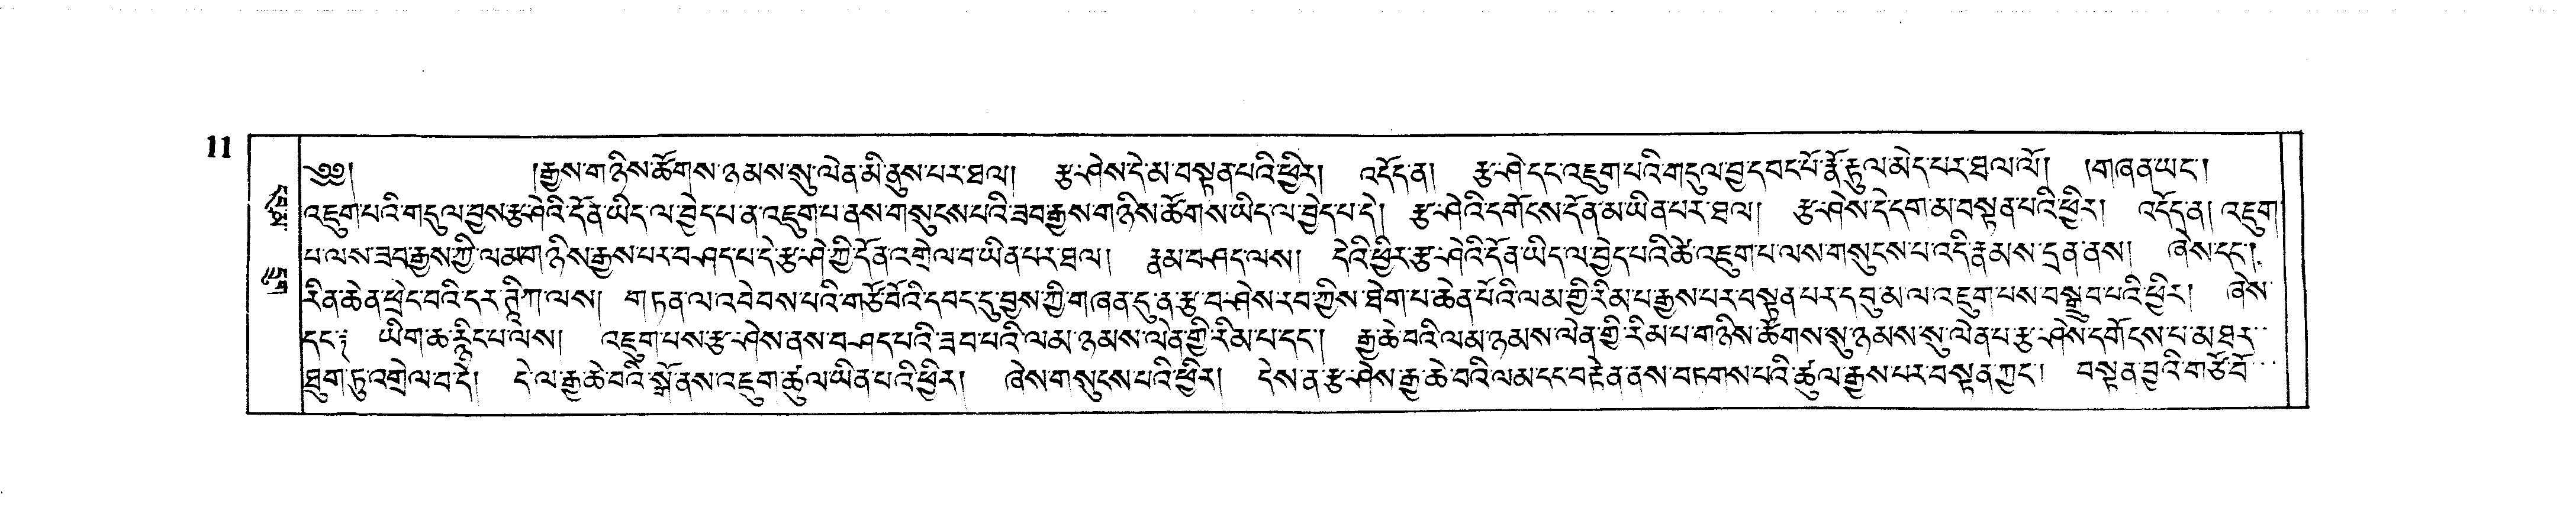༄༅། །རྒྱས་གཉིས་ཚོགས་ཉམས་སུ་ལེན་མི་ནུས་པར་ཐལ། རྩ་ཤེས་དེ་མ་བསྟན་པའི་ཕྱིར། འདོད་ན། རྩ་ཤེ་དང་འཇུག་པའི་གདུལ་བྱ་དབང་པོ་རྣོ་རྟུལ་མེད་པར་ཐལ་ལོ། །གཞན་ཡང་།
འཇུག་པའི་གདུལ་བྱས་རྩ་ཤེའི་དོན་ཡིད་ལ་བྱེད་པ་ན་འཇུག་པ་ནས་གསུངས་པའི་ཟབ་རྒྱས་གཉིས་ཚོགས་ཡིད་ལ་བྱེད་པ་དེ། རྩ་ཤེའི་དགོངས་དོན་མ་ཡིན་པར་ཐལ། རྩ་ཤེས་དེ་དག་མ་བསྟན་པའི་ཕྱིར། འདོད་ན། འཇུག་
པ་ལས་ཟབ་རྒྱས་ཀྱི་ལམ་གཉིས་རྒྱས་པར་བཤད་པ་དེ་རྩ་ཤེ་ཀྱི་དོན་འགྲེལ་བ་ཡིན་པར་ཐལ། རྣམ་བཤད་ལས། དེའི་ཕྱིར་རྩ་ཤེའི་དོན་ཡིད་ལ་བྱེད་པའི་ཚེ་འཇུག་པ་ལས་གསུངས་པ་འདི་རྣམས་དྲན་ནས། ཞེས་དང་།
རིན་ཆེན་ཕྲེང་བའི་དར་ཊཱིཀ་ལས། གཏན་ལ་འབེབས་པའི་གཙོ་བོའི་དབང་དུ་བྱས་ཀྱི་གཞན་དུ་ན་རྩ་བ་ཤེས་རབ་ཀྱིས་ཐེག་པ་ཆེན་པོའི་ལམ་གྱི་རིམ་པ་རྒྱས་པར་བསྟན་པར་དབུ་མ་ལ་འཇུག་པས་བསྒྲུབ་པའི་ཕྱིར། ཞེས་
དང་། ཡིག་ཆ་རྙིང་པ་ལས། འཇུག་པས་རྩ་ཤེས་ནས་བཤད་པའི་ཟབ་པའི་ལམ་ཉམས་ལེན་གྱི་རིམ་པ་དང་། རྒྱ་ཆེ་བའི་ལམ་ཉམས་ལེན་གྱི་རིམ་པ་གཉིས་ཚོགས་སུ་ཉམས་སུ་ལེན་པ་རྩ་ཤེས་དགོངས་པ་མཐར་
ཐུག་ཏུ་འགྲེལ་བ་དེ། དེ་ལ་རྒྱ་ཆེ་བའི་སྒོ་ནས་འཇུག་ཚུལ་ཡིན་པའི་ཕྱིར། ཞེས་གསུངས་པའི་ཕྱིར། དེས་ན་རྩ་ཤེས་རྒྱ་ཆེ་བའི་ལམ་དང་བརྟེན་ནས་བཏགས་པའི་ཚུལ་རྒྱས་པར་བསྟན་ཀྱང་། བསྟན་བྱའི་གཙོ་བོ་